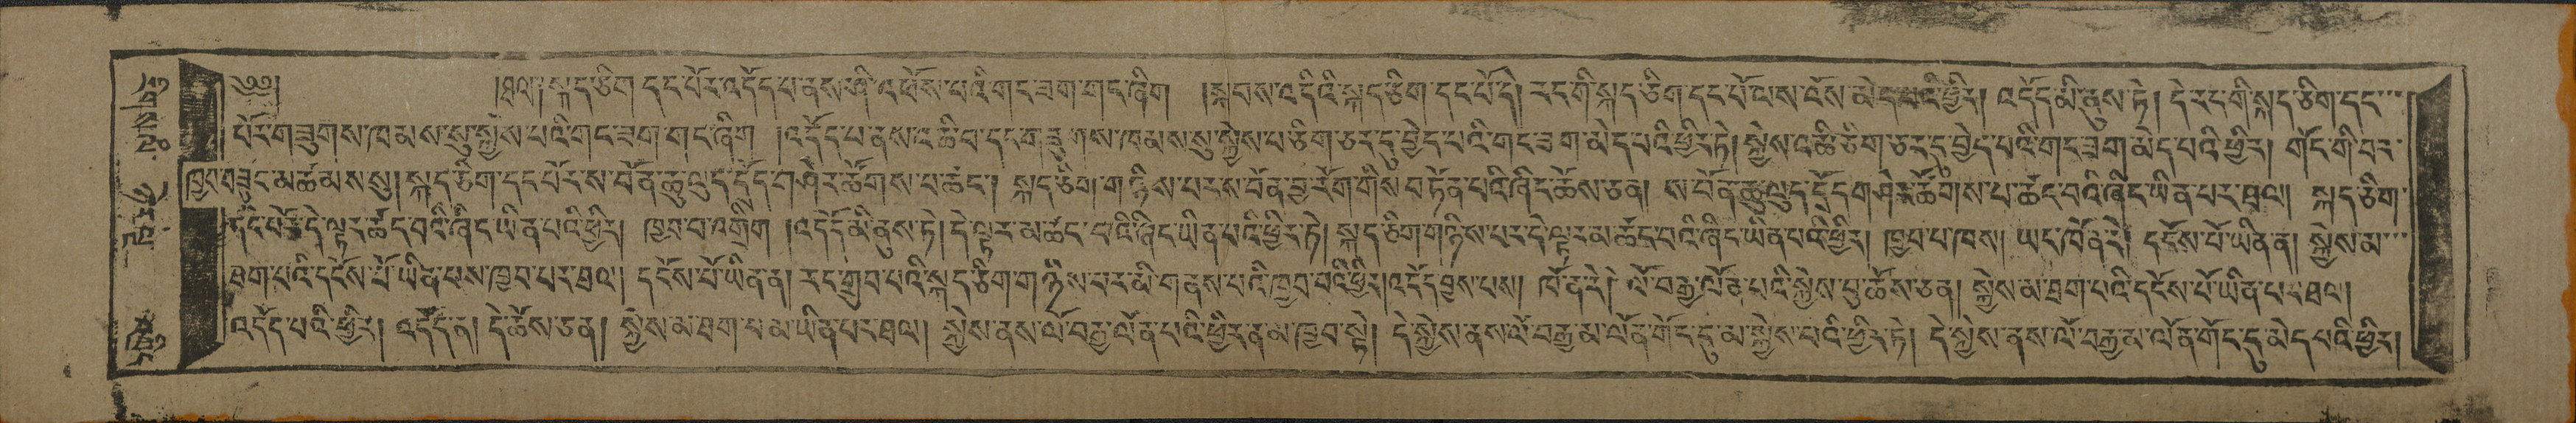༄༅། །ཐལ༑ སྐད་ཅིག་དང་པོར་འདོད་པ་ནས་ཤི་འཕོས་པའི་གང་ཟག་གང་ཞིག །སྐབས་འདིའི་སྐད་ཅིག་དང་པོ་དེ། རང་གི་སྐད་ཅིག་དང་པོ་ལས་འོས་མེད་པའི་ཕྱིར། འདོད་མི་ནུས་ཏེ། དེ་རང་གི་སྐད་ཅིག་དང་
པོར་གཟུགས་ཁམས་སུ་སྐྱེས་པའི་གང་ཟག་གང་ཞིག །འདོད་པ་ནས་འཆི་བ་དང་གཟུགས་ཁམས་སུ་སྐྱེས་པ་ཅིག་ཅར་དུ་བྱེད་པའི་གང་ཟག་མེད་པའི་ཕྱིར་ཏེ། སྐྱེས་འཆི་ཅིག་ཅར་དུ་བྱེད་པའི་གང་ཟག་མེད་པའི་ཕྱིར། གོང་གི་བར་
ཁྱབ་བཟུང་མཚམས་སུ། སྐད་ཅིག་དང་པོར་ས་བོན་ཆུ་ལུང་དོད་གཤེར་ཚོགས་པ་ཚང་། སྐད་ཅིག་གཉིས་པར་ས་བོན་བྱ་རོག་གིས་བཏོན་པའི་ཞིང་ཆོས་ཅན། ས་བོན་ཆུ་ལུང་དྲོད་གཤེར་ཚོགས་པ་ཚང་བའི་ཞིང་ཡིན་པར་ཐལ། སྐད་ཅིག་
དང་པོར་དེ་ལྟར་ཚང་བའི་ཞིང་ཡིན་པའི་ཕྱིར། ཁྱབ་པ་འགྲིག །འདོད་མི་ནུས་ཏེ། དེ་ལྟར་མ་ཚང་བའི་ཞིང་ཡིན་པའི་ཕྱིར་ཏེ། སྐད་ཅིག་གཉིས་པར་དེས་ལྟར་མ་ཚང་བའི་ཞིང་ཡིན་པའི་ཕྱིར། ཁྱབ་པ་ཁས། ཡང་ཁོ་ན་རེ། དངོས་པོ་ཡིན་ན། སྐྱེས་མ་
ཐག་པའི་དངོས་པོ་ཡིན་པས་ཁྱབ་པར་ཐལ། དངོས་པོ་ཡིན་ན། རང་གྲུབ་པའི་སྐད་ཅིག་གཉིས་པར་མི་གནས་པའི་ཁྱབ་པའི་ཕྱིར། འདོད་བྱས་པས། ཁོ་ན་རེ། ལོ་བརྒྱ་ལོན་པའི་སྐྱེས་བུ་ཆོས་ཅན། སྐྱེས་མ་ཐག་པའི་དངོས་པོ་ཡིན་པར་ཐལ།
འདོད་པའི་ཕྱིར། འདོད་ན། དེ་ཆོས་ཅན། སྐྱེས་མ་ཐག་པ་མ་ཡིན་པར་ཐལ། སྐྱེས་ནས་ལོ་བརྒྱ་ལོན་པའི་ཕྱིར་ན་མ་ཁྱབ་སྟེ། དེ་སྐྱེས་ནས་ལོ་བརྒྱ་མ་ལོན་གོང་དུ་མ་སྐྱེས་པའི་ཕྱིར་ཏེ། དེ་སྐྱེས་ནས་ལོ་བརྒྱ་མ་ལོན་གོང་དུ་མེད་པའི་ཕྱིར།